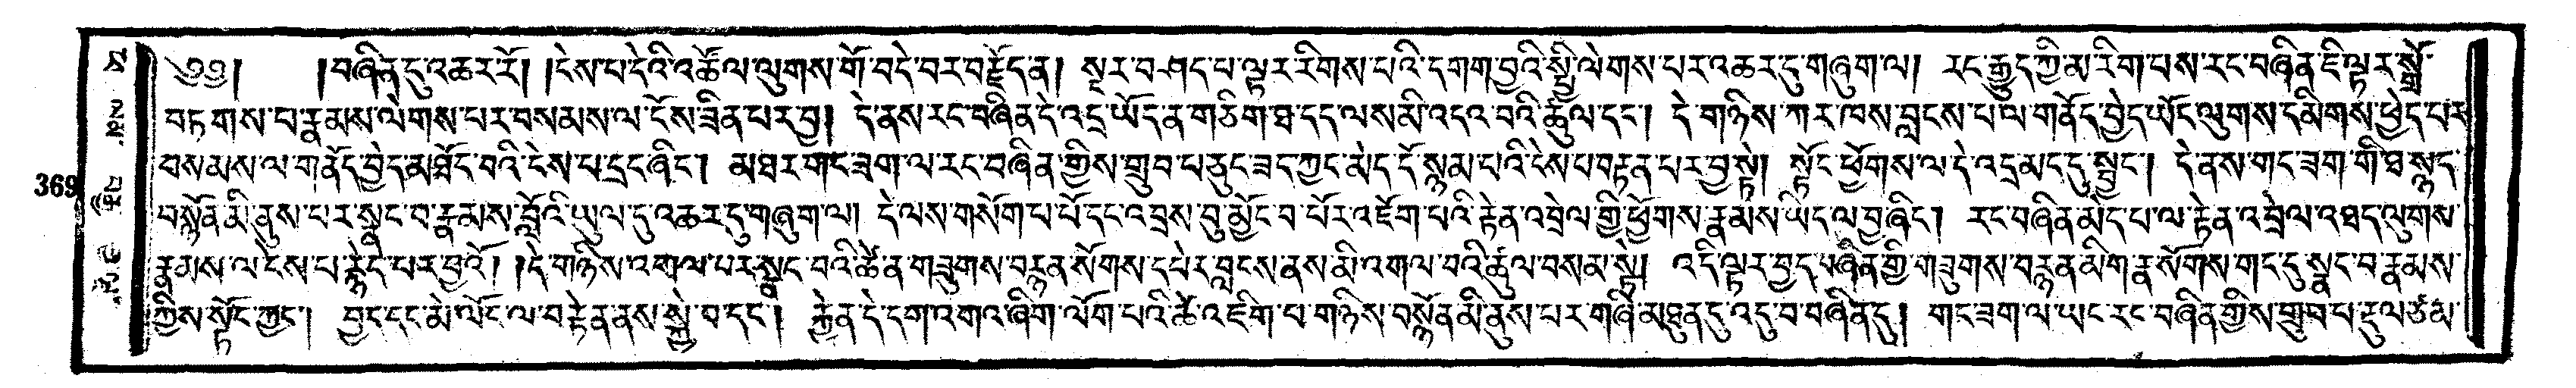༄༅། །བཞིན་དུ་འཆར་རོ། །ངེས་པ་དེའི་འཚོལ་ལུགས་གོ་བདེ་བར་བརྗོད་ན། སྔར་བཤད་པ་ལྟར་རིགས་པའི་དགག་བྱའི་ལེགས་པར་འཆར་དུ་གཞུག་ལ། རང་རྒྱུད་ཀྱི་མ་རིག་པས་རང་བཞིན་ཇི་ལྟར་སྒྲོ་
བཏགས་པ་རྣམས་ལེགས་པར་བསམས་ལ་ངོས་ཟིན་པར་བྱ། དེ་ནས་རང་བཞིན་དེ་འདྲ་ཡོད་ན་གཅིག་ཐ་ལས་མི་འདའ་བའི་ཚུལ་དང་། དེ་གཉིས་ཀར་ཁས་བླངས་པ་ལ་གནོད་བྱེད་ཡོང་ལུགས་དམིགས་ཕྱེད་པར་
བསམས་ལ་གནོད་བྱེད་མཐོང་བའི་ངེས་པ་དྲང་ཞིང་། མཐར་གང་ཟག་ལ་རང་བཞིན་གྱིས་གྲུབ་པ་ཅུང་ཟད་ཀྱང་མེད་དོ་སྙམ་པའི་ངེས་པ་བརྟན་པར་བྱ་སྟེ། སྟོང་ཕྱོགས་ལ་དེ་འདྲ་མང་དུ་སྦྱང་། དེ་ནས་གང་ཟག་གི་ཐ་སྙད་
བསྙོན་མི་ནུས་པར་སྣང་བ་རྣམས་བློའི་ཡུལ་དུ་འཆར་དུ་གཞུག་ལ། དེ་ལས་གསོག་པ་པོ་དང་འབྲས་བུ་མྱོང་བ་པོར་འཇོག་པའི་རྟེན་འབྲེལ་གྱི་ཕྱོགས་རྣམས་ཡིད་ལ་བྱ་ཞིང་། རང་བཞིན་མེད་པ་ལ་རྟེན་འབྲེལ་འཐད་ལུགས་
རྣམས་ལ་ངེས་པ་རྙེད་པར་བྱའོ། །དེ་གཉིས་འགལ་པར་སྣང་བའི་ཚེ་ན་གཟུགས་བརྙན་སོགས་དཔེར་བླངས་ནས་མི་འགལ་བའི་ཚུལ་བསམ་ཏེ། འདི་ལྟར་བྱད་བཞིན་གྱི་གཟུགས་བརྙན་མིག་རྣ་སོགས་གང་དུ་སྣང་བ་རྣམས་
ཀྱིས་སྟོང་ཀྱང་། བྱད་དང་མེ་ལོང་ལ་བརྟེན་ནས་སྐྱེ་བ་དང་། རྐྱེན་དེ་དག་འགའ་ཞིག་ལོག་པའི་ཚེ་འཇིག་པ་གཉིས་བསྙོན་མི་ནུས་པར་གཞི་མཐུན་དུ་འདུ་བ་བཞིན་དུ། གང་ཟག་ལ་ཡང་རང་བཞིན་གྱིས་གྲུབ་པ་རྡུལ་ཙམ་